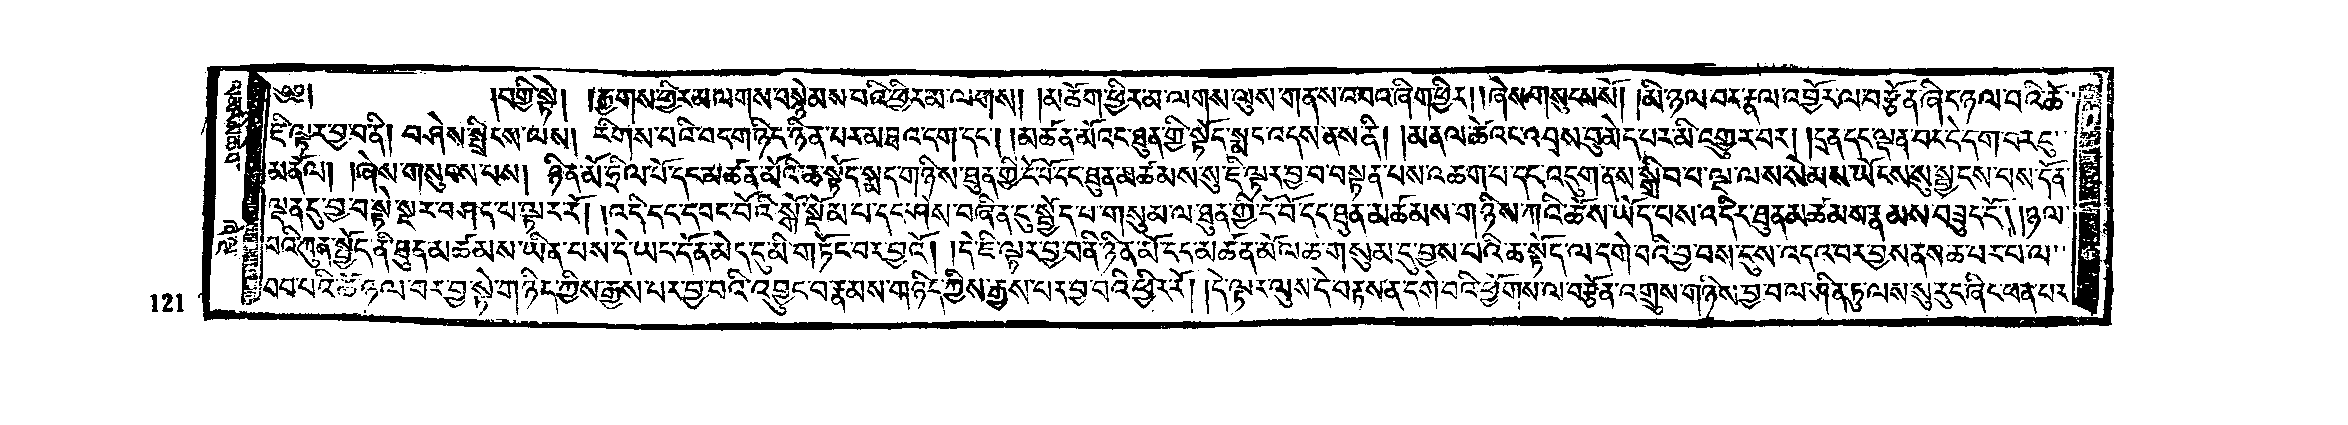༄༅། །བགྱི་སྟེ། །རྒྱགས་ཕྱིར་མ་ལགས་བསྙེམས་པའི་ཕྱིར་མ་ལགས། །མཚག་ཕྱིར་མ་ལགས་ལུས་གནས་འབའ་ཞིག་ཕྱིར། །ཞེས་གསུངས་སོ། །མི་ཉལ་བར་རྣལ་འབྱོར་ལ་བརྩོན་ཞིང་ཉལ་བའི་ཚེ་
ཇི་ལྟར་བྱ་བ་ནི། བཤེས་སྤྲིངས་ལས། རིགས་པའི་བདག་ཉིད་ཉིན་པར་མཐའ་དག་དང་། །མཚན་མོའང་ཐུན་གྱི་སྟོད་སྨད་འདས་ནས་ནི། །མནལ་ཚེའང་འབྲས་བུ་མེད་པར་མི་འགྱུར་བར། །དྲན་དང་ལྡན་པར་དེ་དག་བར་དུ་
མནོལ། །ཞེས་གསུངས་པས། ཉིན་མོ་ཧྲིལ་པོ་དང་མཚན་མོའི་ཆ་སྟོད་སྨད་གཉིས་ཐུན་གྱི་ངོ་བོ་དང་ཐུན་མཚམས་སུ་ཇི་ལྟར་བྱ་བ་བསྟན་པས་འཆག་པ་དང་འདུག་ནས་སྒྲིབ་པ་ལྔ་ལས་སེམས་ཡོངས་སུ་སྦྱངས་པས་དོན་
ལྡན་དུ་བྱ་བ་སྟེ་སྔར་བཤད་པ་ལྟར་རོ། །འདི་དང་དབང་པོའི་སྒོ་སྡོམ་པ་དང་ཤེས་བཞིན་དུ་སྤྱོད་པ་གསུམ་ལ་ཐུན་གྱི་ངོ་བོ་དང་ཐུན་མཚམས་གཉིས་ཀའི་ཆོས་ཡོད་པས་འདིར་ཐུན་མཚམས་རྣམས་བཟུང་ངོ། །ཉལ་
བའི་ཀུན་སྤྱོད་ནི་ཐུན་མཚམས་ཡིན་པས་དེ་ཡང་དོན་མེད་དུ་མི་གཏང་བར་བྱའོ། །དེ་ཇི་ལྟར་བྱ་བ་ནི་ཉིན་མོ་དང་མཚན་མོ་ལ་ཆ་གསུམ་དུ་བྱས་པའི་ཆ་སྟོད་ལ་དགེ་བའི་བྱ་བས་དུས་འདའ་བར་བྱས་ནས་ཆ་བར་པ་ལ་
བབ་པའི་ཚེ་ཉལ་བར་བྱ་སྟེ་གཉིད་ཀྱིས་རྒྱས་པར་བྱ་བའི་འབྱུང་བ་རྣམས་གཉིད་ཀྱིས་རྒྱས་པར་བྱ་བའི་ཕྱིར་རོ། །དེ་ལྟར་ལུས་དེ་བརྟས་ན་དགེ་བའི་ཕྱོགས་ལ་བརྩོན་འགྲུས་གཉིས་བྱ་བ་ལ་ཤིན་ཏུ་ལས་སུ་རུང་ཞིང་ཕན་པར་